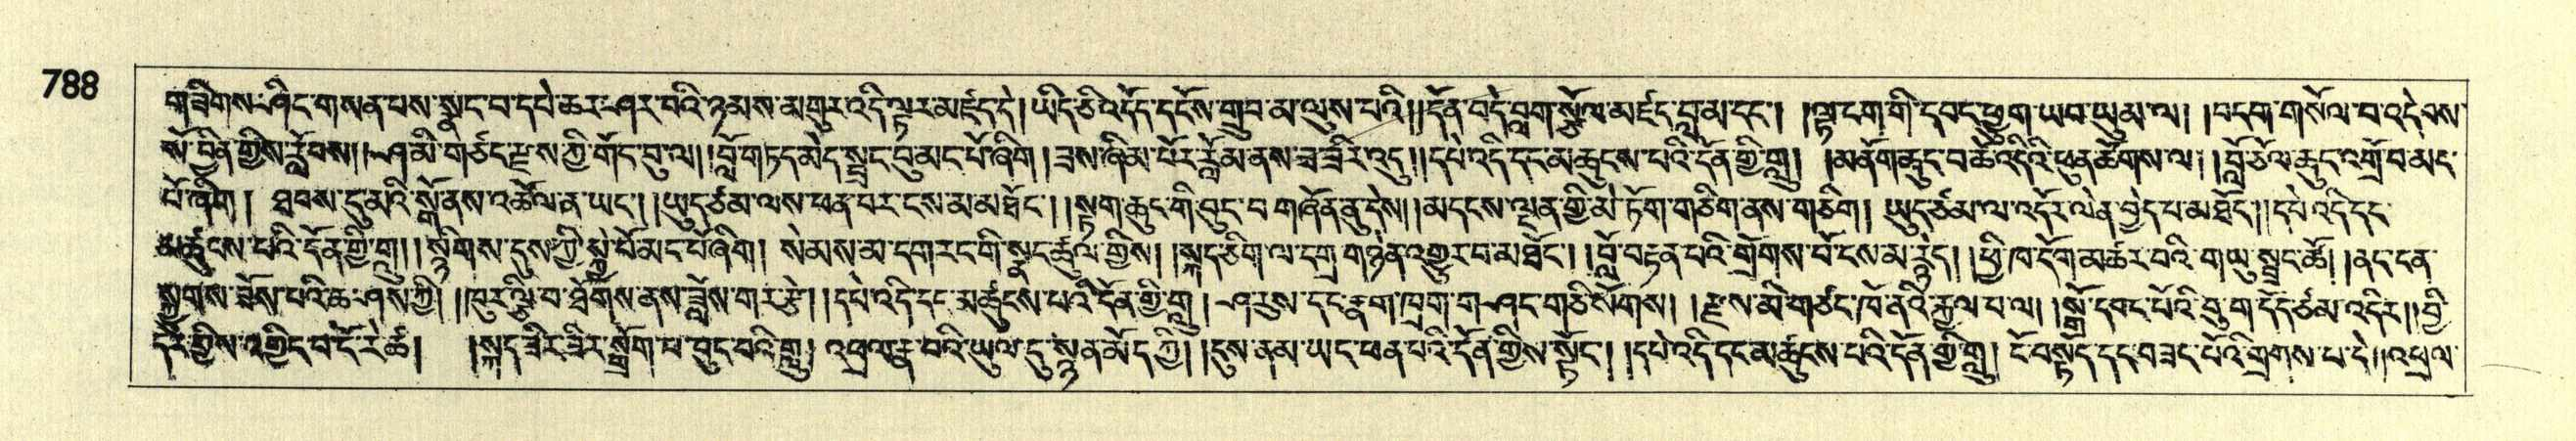གཟིགས་ཤིང་གསན་པས་སྣང་བ་དཔེ་ཆར་ཤར་བའི་ཉམས་མགུར་འདི་ལྟར་མཛད་དེ། ཡིད་ཅི་འདོད་དངོས་གྲུབ་མ་ལུས་པའི། །དོན་བདེ་བླག་སྩོལ་མཛད་བླ་མ་དང་། །ལྟ་ངག་གི་དབང་ཕྱུག་ཡབ་ཡུམ་ལ། །བདག་གསོལ་བ་འདེབས་
སོ་བྱིན་གྱིས་རློབས། །ཤ་མི་གཙང་རྫས་ཀྱི་གོང་བུ་ལ། །བློ་གཏད་མེད་སྦྲང་བུ་མང་པོ་ཞིག །ཟས་ཞིམ་པོར་རློམ་ནས་ཟ་ཟིར་འདུ། །དཔེ་འདི་དང་མཆུངས་པའི་དོན་གྱི་གླུ། །མནོག་ཆུང་བ་ཚེ་འདིའི་ཕུན་ཚོགས་ལ། །བློ་ཅོལ་ཆུང་འགྲོ་བ་མང་
པོ་ཞིག། ཐབས་དུ་མའི་སྒོ་ནས་འཚོལ་ན་ཡང་། །ཡུད་ཙམ་ལས་ཕན་པར་ངས་མ་མཐོང་། །སྟག་ཆུང་གི་བུང་བ་བཞོན་ནུ་དེས། །མདངས་ལྡན་གྱི་མེ་ཏོག་གཅིག་ནས་གཅིག། ཡུད་ཙམ་ལ་འདོར་ལེན་བྱེད་པ་མཐོང་། །དཔེ་འདི་དང་
མཚུངས་པའི་དོན་གྱི་གླུ། །སྙིགས་དུས་ཀྱི་སྐྱེ་བོ་མང་པོ་ཞིག། སེམས་མ་དག་རང་གི་སྣང་ཚུལ་གྱིས། །སྐད་ཅིག་ལ་དགྲ་གཉེན་འགྱུར་བ་མཐོང་། །བློ་བརྟན་པའི་གྲོགས་པོ་ངས་མ་རྙེད། །ཕྱི་ཁ་དོག་མཚར་བའི་གཡུ་སྦྲང་ཚོ། །ནང་ངན་
སྐྱུགས་ཟོས་པའི་ཆ་ཤས་ཀྱི། །ཁུར་ལྕི་བ་ཐོགས་ནས་ཟློས་གར་རྩེ། །དཔེ་འདི་དང་མཚུངས་པའི་དོན་གྱི་གླུ། ཤ་རུས་དང་རྣག་ཁྲག་གཤང་གཅི་སོགས། །རྫས་མི་གཙང་ཁོ་ནའི་རྒྱལ་པ་ལ། །སྒོ་དབང་པོའི་བུ་གདོང་ཙམ་འདིར། །བྱི་
དར་གྱིས་འགྱིང་བ་ངོ་རེ་ཚ། །སྐད་ཟིར་ཟིར་སྒྲོག་པ་བུང་བའི་གླུ། འཕྲལ་རྣ་བའི་ཡུལ་དུ་སྙན་མོད་ཀྱི། །དུས་ནམ་ཡང་ཕན་པའི་དོན་གྱིས་སྟོང་། །དཔེ་འདི་དང་མཚུངས་པའི་དོན་གྱི་གླུ། ངོ་བསྟོད་དང་བཟང་པོའི་གྲགས་པ་དེ། །འཕྲལ་